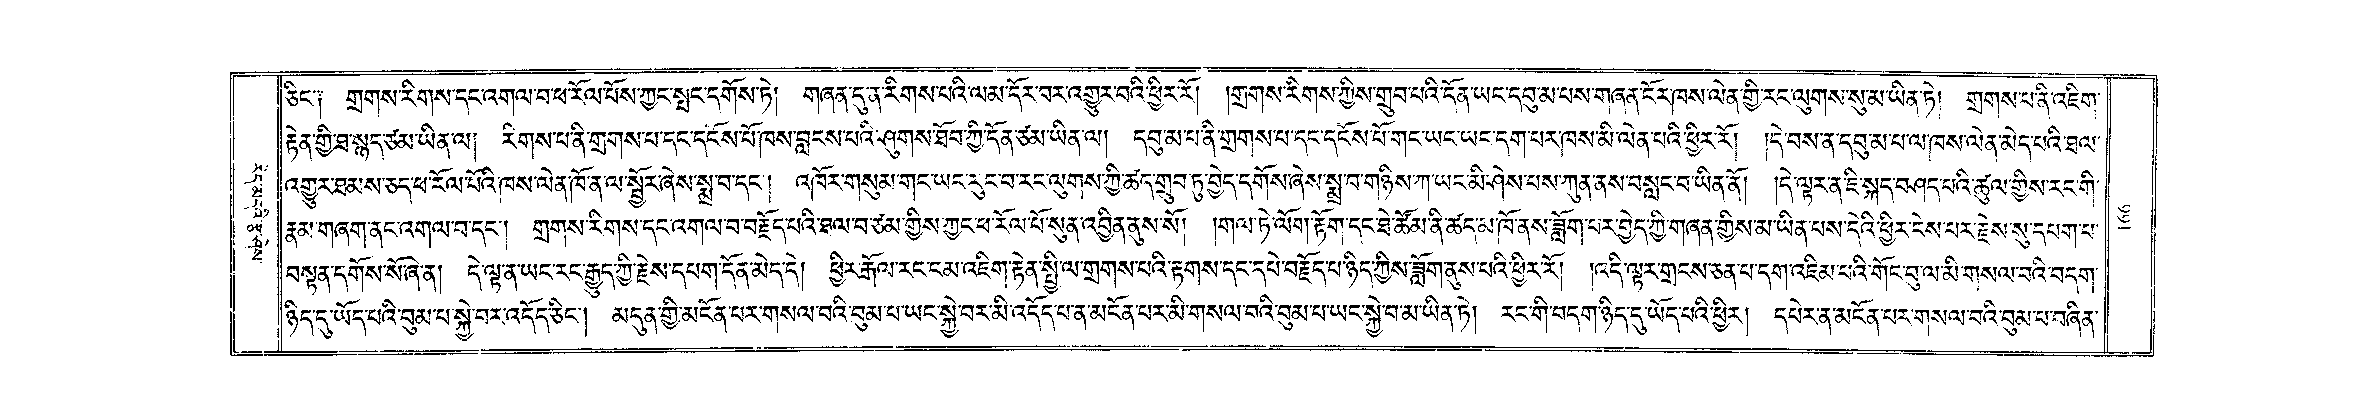ཅིང༑ གྲགས་རིགས་དང་འགལ་བ་ཕ་རོལ་པོས་ཀྱང་སྤང་དགོས་ཏེ། གཞན་དུ་ན་རིགས་པའི་ལམ་དོར་བར་འགྱུར་བའི་ཕྱིར་རོ། །གྲགས་རིགས་ཀྱིས་གྲུབ་པའི་དོན་ཡང་དབུ་མ་པས་གཞན་ངོར་ཁས་ལེན་གྱི་རང་ལུགས་སུ་མ་ཡིན་ཏེ། གྲགས་པ་ནི་འཇིག་
རྟེན་གྱི་ཐ་སྙད་ཙམ་ཡིན་ལ། རིགས་པ་ནི་གྲགས་པ་དང་དངོས་པོ་ཁས་བླངས་པའི་ཤུགས་ཐོབ་ཀྱི་དོན་ཙམ་ཡིན་ལ། དབུ་མ་པ་ནི་གྲགས་པ་དང་དངོས་པོ་གང་ཡང་ཡང་དག་པར་ཁས་མི་ལེན་པའི་ཕྱིར་རོ། །དེ་བས་ན་དབུ་མ་པ་ལ་ཁས་ལེན་མེད་པའི་ཐལ་
འགྱུར་ཐམས་ཅད་ཕ་རོལ་པོའི་ཁས་ལེན་ཁོ་ན་ལ་སྦྱོར་ཞེས་སྨྲ་བ་དང་། འཁོར་གསུམ་གང་ཡང་རུང་བ་རང་ལུགས་ཀྱི་ཚད་གྲུབ་ཏུ་བྱེད་དགོས་ཞེས་སྨྲ་བ་གཉིས་ཀ་ཡང་མི་ཤེས་པས་ཀུན་ནས་བསླང་བ་ཡིན་ནོ། །དེ་ལྟར་ན་ཇི་སྐད་བཤད་པའི་ཚུལ་གྱིས་རང་གི་
རྣམ་གཞག་ནང་འགལ་བ་དང་། གྲགས་རིགས་དང་འགལ་བ་བརྗོད་པའི་ཐལ་བ་ཙམ་གྱིས་ཀྱང་ཕ་རོལ་པོ་སུན་འབྱིན་ནུས་སོ། །གལ་ཏེ་ལོག་རྟོག་དང་ཐེ་ཚོམ་ནི་ཚད་མ་ཁོ་ནས་ཟློག་པར་བྱེད་ཀྱི་གཞན་གྱིས་མ་ཡིན་པས་དེའི་ཕྱིར་ངེས་པར་རྗེས་སུ་དཔག་པ་
བསྟན་དགོས་སོ་ཞེ་ན། དེ་ལྟ་ན་ཡང་རང་རྒྱུད་ཀྱི་རྗེས་དཔག་དོན་མེད་དེ། ཕྱིར་རྒོལ་རང་ངམ་འཇིག་རྟེན་སྤྱི་ལ་གྲགས་པའི་རྟགས་དང་དཔེ་བརྗོད་པ་ཉིད་ཀྱིས་ཟློག་ནུས་པའི་ཕྱིར་རོ། །འདི་ལྟར་གྲངས་ཅན་པ་དག་འཇིམ་པའི་གོང་བུ་ལ་མི་གསལ་བའི་བདག་
ཉིད་དུ་ཡོད་པའི་བུམ་པ་སྐྱེ་བར་འདོད་ཅིང་། མདུན་གྱི་མངོན་པར་གསལ་བའི་བུམ་པ་ཡང་སྐྱེ་བར་མི་འདོད་པ་ན་མངོན་པར་མི་གསལ་བའི་བུམ་པ་ཡང་སྐྱེ་བ་མ་ཡིན་ཏེ། རང་གི་བདག་ཉིད་དུ་ཡོད་པའི་ཕྱིར། དཔེར་ན་མངོན་པར་གསལ་བའི་བུམ་པ་བཞིན་